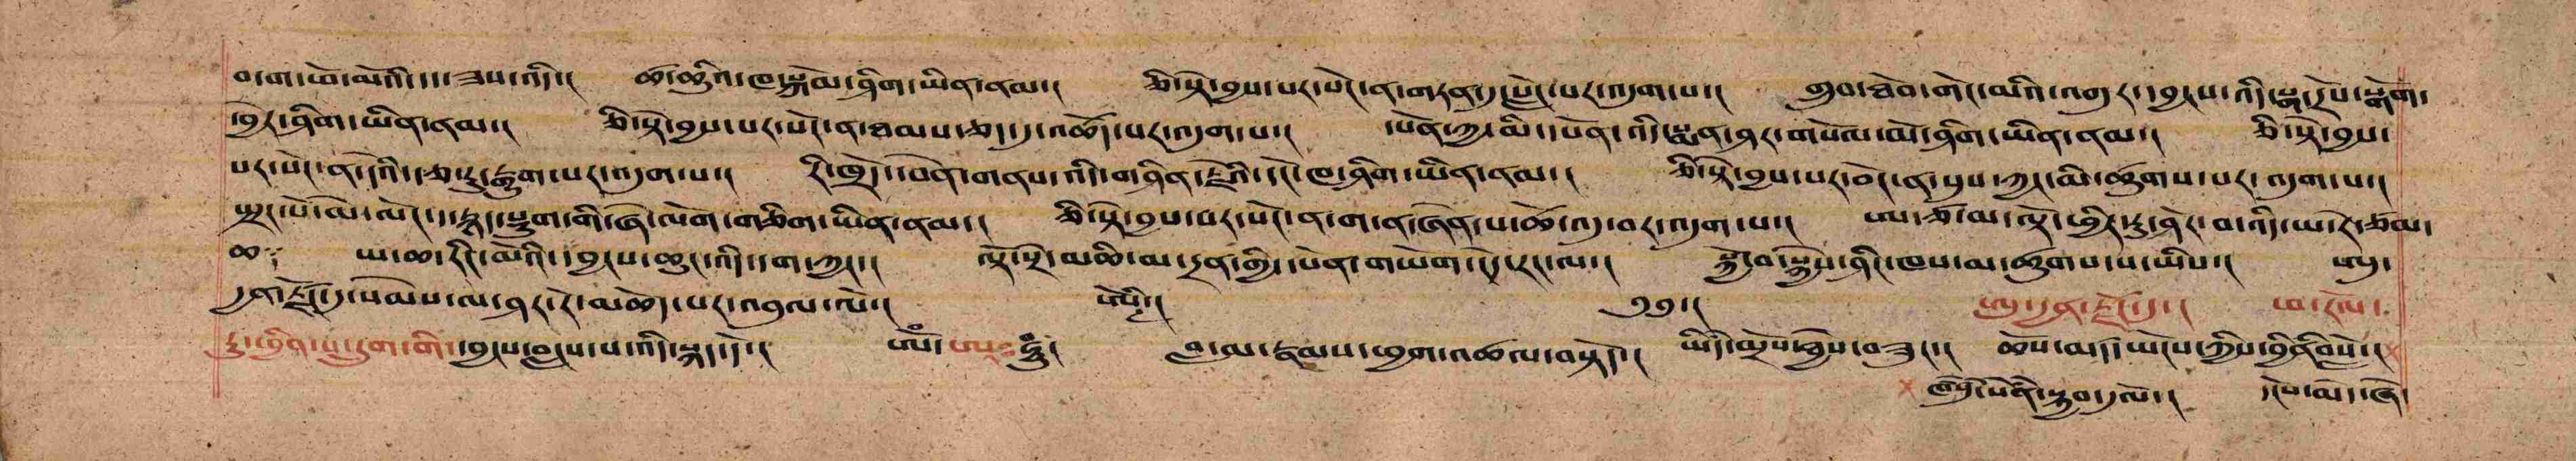བདག་ཕོ་མོའི་དད་ཟས་འདི། ཚ་ཆུའི་ཁ་སྐོམ་ཤིག་ཡིན་ནམ། ཅི་སྟེ་བྱས་པར་སོང་ན་གཏན་དུ་སློང་པར་འདུག་པ། གྲུབ་ཐོབ་གོང་མའི་འགུར་དབྱངས་འདི་སྒ་དྲོས་སྒོག་
དབྱེར་ཤིག་ཡིན་ནམ། ཅི་སྟེ་བྱས་པས་སོང་ན་ཐམས་ཅད་དུ་འཚོད་པར་འདུག་པ། དཔོན་ཀྱ་མི་དཔོན་འདི་སྨན་ཤར་གསོལ་མོ་ཤིག་ཡིན་ནམ། ཅི་སྟེ་བྱས་
པར་སོང་ན་དེའི་རྩ་རུ་རྒྱུག་པར་འདུག་པ། རི་ཁྲོད་དབེན་གནས་འདི་གཤེན་རྗེའི་དོང་ཁ་ཤིག་ཡིན་ནམ། ཅི་སྟེ་བྱས་པར་བོང་ན་སུས་ཀྱང་མི་ཚུགས་པར་འདུག་པ། 
སྤྲང་པོ་མེ་ལོང་ད་རྙད་སྡུག་གི་ཞེ་ལོག་གཅིག་ཡིན་ནམ། ཅི་སྟེ་བྱས་པར་སོང་ན་ག་ན་ཞེན་པ་ཚེ་འདུ་བར་འདུག་པ། ཨ་ཙ་མ་ལྟོ་ཕྱིར་རུ་ཤོར་བ་འདི་ཡ་རེ་ཙམ་
ཆ༑ ཡ་ཆ་རིང་མོའི་དབྱངས་ཆུང་འདི་དག་ཀྱང་། ལྟོ་སྔོ་མཆི་མ་དྲན་གྱི་དཔན་གཡོག་ངེད་རང་ལ། སྐྱོ་བ་སྐྱེས་ཤིང་ཁས་ཚུགས་པ་ཡིས། ཨུ་
རྒྱན་རྫོང་དུ་སེམས་ལ་ཤར་རོ་མཆོད་པར་འབུལ་ལོ། ཨིཊི།༄༅་། ཨུ་རྒྱན་རྫོང་དུ། ཕ་རོལ་
རུ་ཕྱིན་པ་དྲུག་གི་དབྱངས་བླངས་པ་འདི་སྐད་དོ། ཨོྃ་ཨཿ ཧཱུཾ། བླ་མ་རྣམས་ལ་ཕྱག་འཚལ་བསྟོད། ཡིད་དམ་མཁའ་འགྲོས་ཐུགས་རྗེས་བཟུང་། ཆོས་མཛད་ཡོངས་ཀྱིས་བྱིན་གྱིས་བརློབས། 
ཁམས་གསུམ་སེམས་ཅན་སྐྱབ་དུ་གསོལ། དངོས་མེད་ཞེ་